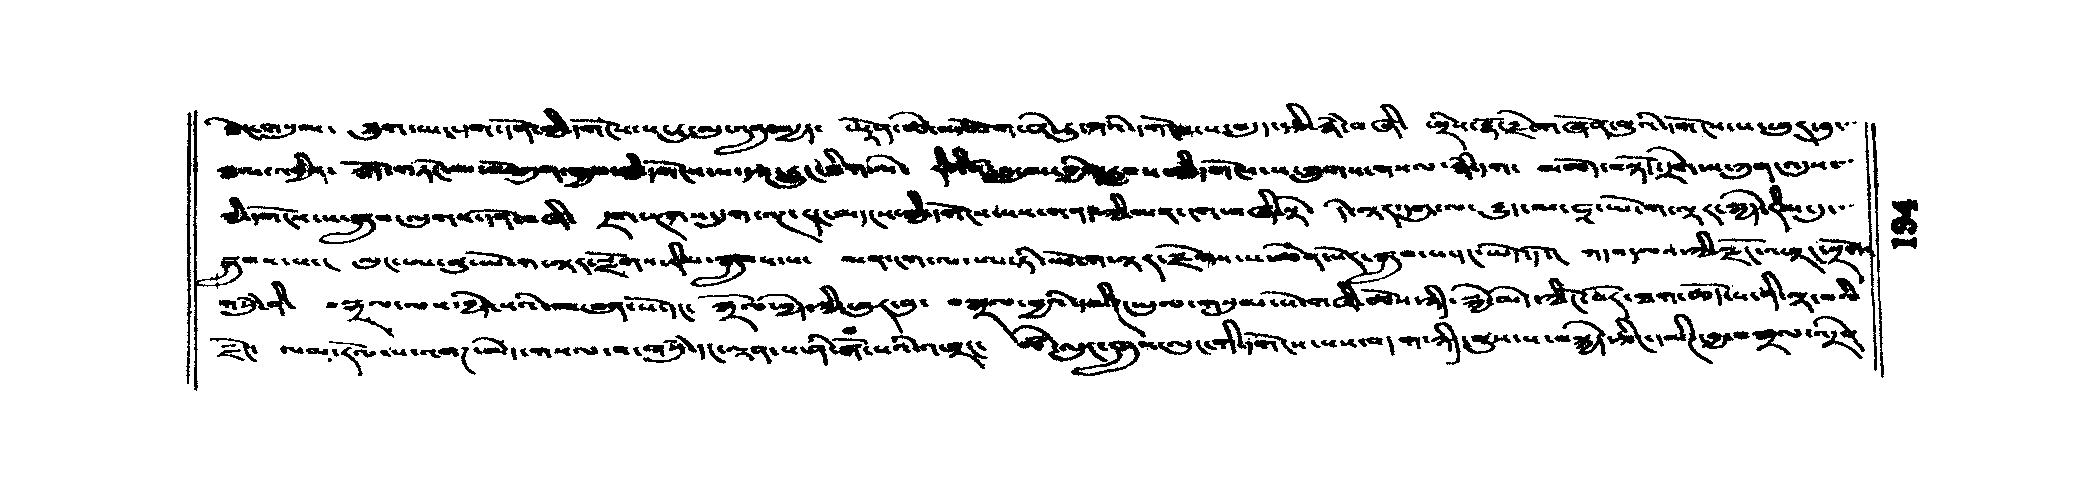ཐེང་གསུམ། ཐུགས་ཡང་དག་དོན་དགོངས་པ་རུ་ལུ་འབྲུ་བརྒྱད། ཡཽན་ཏན་ཆེ་མཆོག་ཧེ་རུ་ཀའི་དགོངས་པ་བདུད་རྩི་རྣམ་བཞི། ཕྲིན་ལས་རྡོ་རྗེ་གཞོན་ནུའི་དགོངས་པ་ཕུར་བུ་
ཐལ་འབྱིན། རྦོད་གཏོང་མ་མོ་བདུན་ཁྱབ་ཀྱི་དགོངས་པ་རྩ་རླུང་ཐིག་ལེ། རིག་འཛིན་བླ་མ་བྱིན་རླབས་ཀྱི་དགོངས་པ་ཐུགས་གསལ་རྣམ་དག་མཆོད་བསྟོད་དྲེགས་པ་ཀུན་འདུས་
ཀྱི་དགོངས་པ་སྒྲུབ་ལུགས་དོན་བཞི། དྲག་སྔགས་དུག་ལྔ་རང་མདངས་པས་གནད་ཀྱི་མན་ངག་བཞི་སྟེ། དེ་ལྟར་དགུ་ལ། རྒྱུད་མ་ཧཱ་ཡོ་ག་ལྟར་བསྐྱེད་རིམ་དུ་
བསྒྲུབ་པ། ལུང་ཨ་ནུ་ཡོ་ག་ལྟར་རྫོགས་རིམ་སྒྲུབས་པ། མན་ངག་ལ་ཨ་ཏི་ཡོ་ག་ལྟར་རྫོགས་པ་ཆེན་པོར་སྒྲུབ་པ་དང་ཡོད་དོ།གདབ་ལས་ཀྱི་རྫོང་འཕྲང་སྲོག་
གསུམ་ནི། བསྒྲལ་ལས་བྱེད་པའི་་་་་་་་་་་པོ་དང་། སྒྲོལ་བྱེད་ཀྱི་ཕུར་བུ། བསྒྲལ་བྱའི་དམིགས་ཡུལ་གསུམ་པོ་གཞི་ཆོས་ཉིད་སྐྱེ་མེད་ཀྱི་ངོ་བོར་ཐག་ཆོད་པ་ནི་ལྟ་བའི་
རྫོང་། ལམ་རོལ་པ་འགགས་མེད་གསལ་བ་གསུམ་དང་ལྡན་པ་ནི་སྒོམ་པའི་འཕྲང་། ཚེ་ལུང་ཁྲུས་ལུང་གི་དགོངས་པས་ནུས་པ་བསྐྱེད་ཅིང་དམིགས་བྱ་བསྒྲལ་འདྲེན་